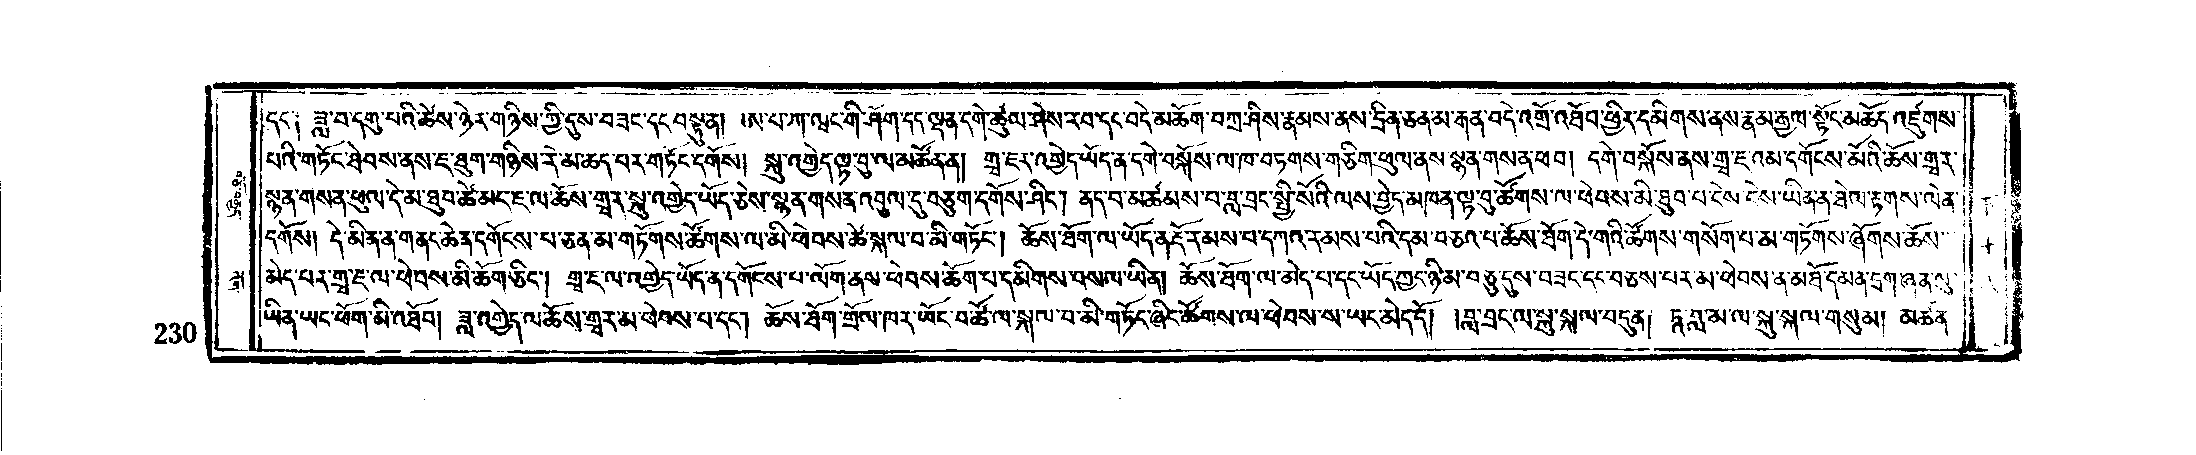དང༑ ཟླ་བ་དགུ་པའི་ཚེས་ཉེར་གཉིས་ཀྱི་དུས་བཟང་དང་བསྟུན། ཨ་པ་ཀ་ཝང་གི་ཤོག་དང་ལྡན་དགེ་ཚུལ་ཤེས་རབ་དང་བདེ་མཆོག་བཀྲ་ཤིས་རྣམས་ནས་དྲིན་ཅན་མ་རྒན་བདེ་འགྲོ་འཐོབ་ཕྱིར་དམིགས་ནས་རྣམ་རྒྱལ་སྟོང་མཆོད་འཛུགས་
པའི་གཏོང་ཐེབས་ནས་ཇ་ཐུག་གཉིས་རེ་མ་ཆད་པར་གཏོང་དགོས། སྐུ་འགྱེད་ལྟ་བུ་ལ་མཚོན་ན། གྲྭ་ཇར་འགྱེད་ཡོད་ན་དགེ་བསྐོས་ལ་ཁ་བཏགས་གཅིག་ཕུལ་ནས་སྙན་གསན་ཕབ། དགེ་བསྐོས་ནས་གྲྭ་ཇ་འམ་དགོངས་མོའི་ཆོས་གྲྭར་
སྙན་གསན་ཕུལ་དེ་མ་ཐུབ་ཚེ་མང་ཇ་ལ་ཆོས་གྲྭར་སྐུ་འགྱེད་ཡོད་ཅེས་སྙན་གསན་འབུལ་དུ་བཅུག་དགོས་ཤིང་། ནད་བ་མཚམས་པ་བླ་བྲང་སྤྱི་སོའི་ལས་བྱེད་མཁན་ལྟ་བུ་ཚོགས་ལ་ཕེབས་མི་ཐུབ་པ་ངེས་ངེས་ཡིན་ན་ཐེལ་རྟགས་ལེན་
དགོས། དེ་མིན་ན་གནང་ཆེན་དགོངས་པ་ཅན་མ་གཏོགས་ཚོགས་ལ་མི་ཕེབས་ཚེ་སྐལ་བ་མི་གཏོང་། ཆོས་ཐོག་ལ་ཡོད་ན་རྡོ་རམས་པ་དཀའ་རམས་པའི་དམ་བཅའ་པ་ཆོས་ཐོག་དེ་གའི་ཚོགས་གསོག་པ་མ་གཏོགས་ཞོགས་ཆོས་
མེད་པར་གྲྭ་ཇ་ལ་ཕེབས་མི་ཆོག་ཅིང་། གྲྭ་ཇ་ལ་འགྱེད་ཡོད་ན་དགོངས་པ་ལོག་ནས་ཕེབས་ཆོག་པ་དམིགས་བསལ་ཡིན། ཆོས་ཐོག་ལ་མེད་པ་དང་ཡོད་ཀྱང་ཉི་མ་བཅུ་དུས་བཟང་དང་བཅས་པར་མ་ཕེབས་ན་མཐོ་དམན་དྲག་ཞན་སུ་
ཡིན་ཡང་ཕོག་མི་འཐོབ། ཟླ་འགྱེད་ལ་ཆོས་གྲྭར་མ་ཕེབས་པ་དང་། ཆོས་ཐོག་གྲོལ་ཁར་ཡོང་བ་ཚོ་ལ་སྐལ་བ་མི་གཏོང་ཞིང་ཚོགས་ལ་ཕེབས་ས་ཡང་མེད་དོ། །བླ་བྲང་ལ་སྐུ་སྐལ་བདུན། ཏཱ་བླ་མ་ལ་སྐུ་སྐལ་གསུམ། མཚན་